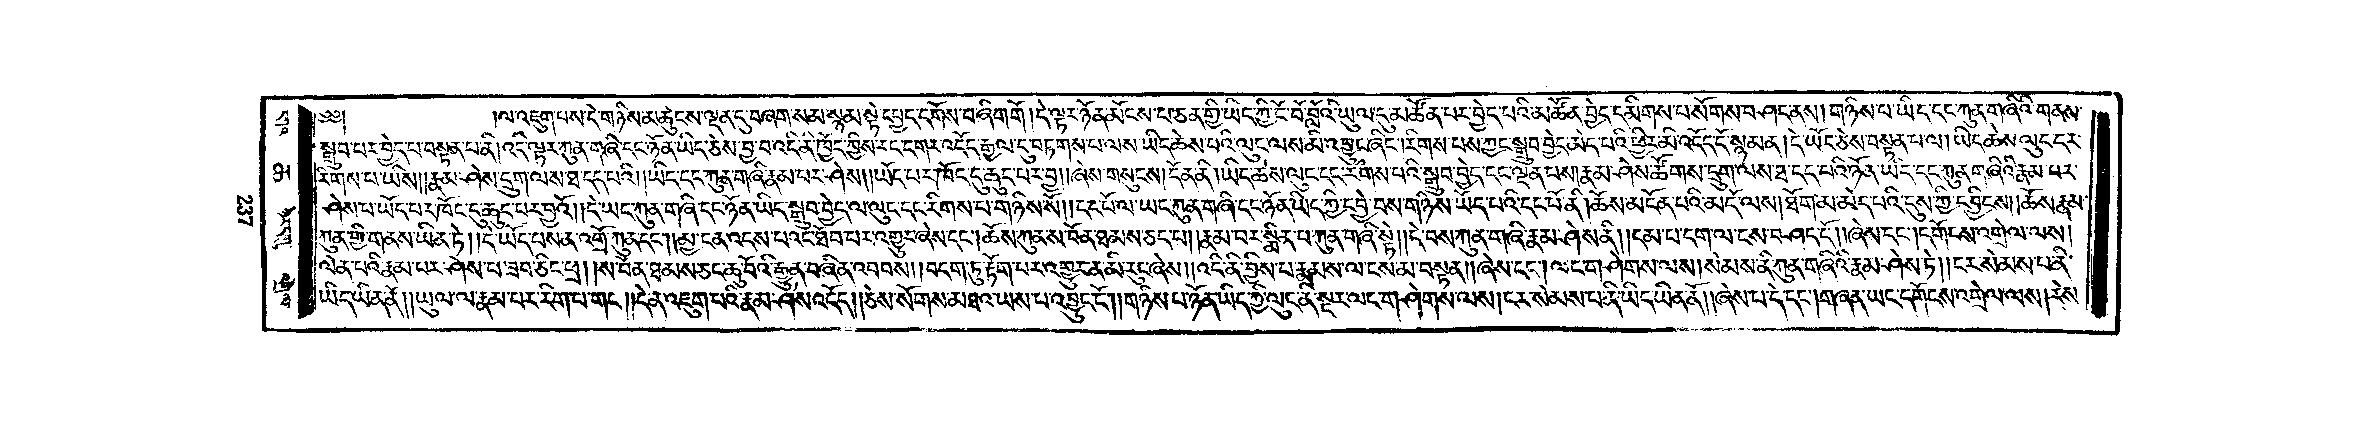༄༅། །ལ་འཇུག་པས་དེ་གཉིས་མཚུངས་ལྡན་དུ་བཞག་སམ་སྙམ་སྟེ་དཔྱད་དགོས་བ་ཞིག་གོ །དེ་ལྟར་ཉོན་མོངས་པ་ཅན་གྱི་ཡིད་ཀྱི་ངོ་བོ་བློའི་ཡུལ་དུ་མཚོན་པར་བྱེད་པའི་མཚོན་བྱེད་དམིགས་པ་སོགས་བཤད་ནས། གཉིས་པ་ཡིད་དང་ཀུན་གཞིའི་གནས་
སྒྲུབ་པར་བྱེད་པ་བསྟན་པ་ནི། འདི་ལྟར་ཀུན་གཞི་དང་ཉོན་ཡིད་ཅེས་བྱ་བ་འདི་ནི་ཁྱོད་ཀྱིས་རང་དགར་འདོད་རྒྱལ་དུ་བཏགས་པ་ལས་ཡིད་ཆེས་པའི་ལུང་ལས་མི་འབྱུང་ཞིང་། རིགས་པས་ཀྱང་སྒྲུབ་བྱེད་མེད་པའི་ཕྱིར་མི་འདོད་དོ་སྙམ་ན། དེ་ཡོད་ཅེས་བསྟན་པ་ལ། ཡིད་ཆེས་ལུང་དར་
རིགས་པ་ཡིས། །རྣམ་ཤེས་དྲུག་ལས་ཐ་དད་པའི། །ཡིད་དང་ཀུན་གཞི་རྣམ་པར་ཤེས། །ཡོད་པར་ཁོང་དུ་ཆུད་པར་བྱ། །ཞེས་གསུངས། དོན་ནི། ཡིད་ཆེས་ལུང་དང་རིགས་པའི་སྒྲུབ་བྱེད་དང་ལྡན་པས། རྣམ་ཤེས་ཚོགས་དྲུག་ལས་ཐ་དད་པའི་ཉོན་ཡིད་དང་ཀུན་གཞིའི་རྣམ་པར་
ཤེས་པ་ཡོད་པར་ཁོང་དུ་ཆུང་པར་བྱའོ། །དེ་ཡང་ཀུན་གཞི་དང་ཉོན་ཡིད་སྒྲུབ་བྱེད་ལ་ལུང་དང་རིགས་པ་གཉིས་སོ། །དང་པོ་ལ་ཡང་ཀུན་གཞི་དང་ཉོན་ཡིད་ཀྱི་དབྱེ་བས་གཉིས་ཡོད་པའི་དང་པོ་ནི། ཆོས་མངོན་པའི་མདོ་ལས། ཐོག་མ་མེད་པའི་དུས་ཀྱི་དབྱིངས། །ཆོས་རྣམ་
ཀུན་གྱི་གནས་ཡིན་ཏེ། །དེ་ཡོད་པས་ན་འགྲོ་ཀུན་དང་། །མྱ་ངན་འདས་པའང་ཐོབ་པར་འགྱུར་ཞེས་དང་། ཆོས་ཀུན་ས་བོན་ཐམས་ཅད་པ། །རྣམ་པར་སྨིན་པ་ཀུན་གཞི་སྟེ། །དེ་བས་ཀུན་གཞི་རྣམ་ཤེས་ནི། །དམ་པ་དག་ལ་ངས་བཤད་དོ། །ཞེས་དང་། དགོངས་འགྲེལ་ལས།
ལེན་པའི་རྣམ་པར་ཤེས་པ་ཟབ་ཅིང་ཕྲ། །ས་བོན་ཐམས་ཅད་ཆུ་མ་འབྱུང་བ་མི་སྲིད་པ་དག་ཏུ་རྟོག་པར་འགྱུར་ན་མི་རུང་ཞེས། །འདི་ནི་བྱིས་པ་རྣམས་ལ་ངས་མ་བསྟན། །ཞེས་དང་། ལང་གཤེགས་ལས། སེམས་ནི་ཀུན་གཞིའི་རྣམ་ཤེས་ཏེ། །ངར་སེམས་པ་ནི་
ཡིད་ཡིན་ནོ། །ཡུལ་ལ་རྣམ་པར་རིག་པ་གང་། །དེ་ན་འཇུག་པའི་རྣམ་ཤེས་འདོད། །ཅེས་སོགས་མཐའ་ཡས་པ་འབྱུང་ངོ། །གཉིས་པ་ཉོན་ཡིད་ཀྱི་ལུང་ནི་སྔར་ལང་གཤེགས་ལས། ངར་སེམས་པ་ནི་ཡིད་ཡིན་ནོ། །ཞེས་པ་དེ་དང་། གཞན་ཡང་དགོངས་འགྲེལ་ལས། རེས་